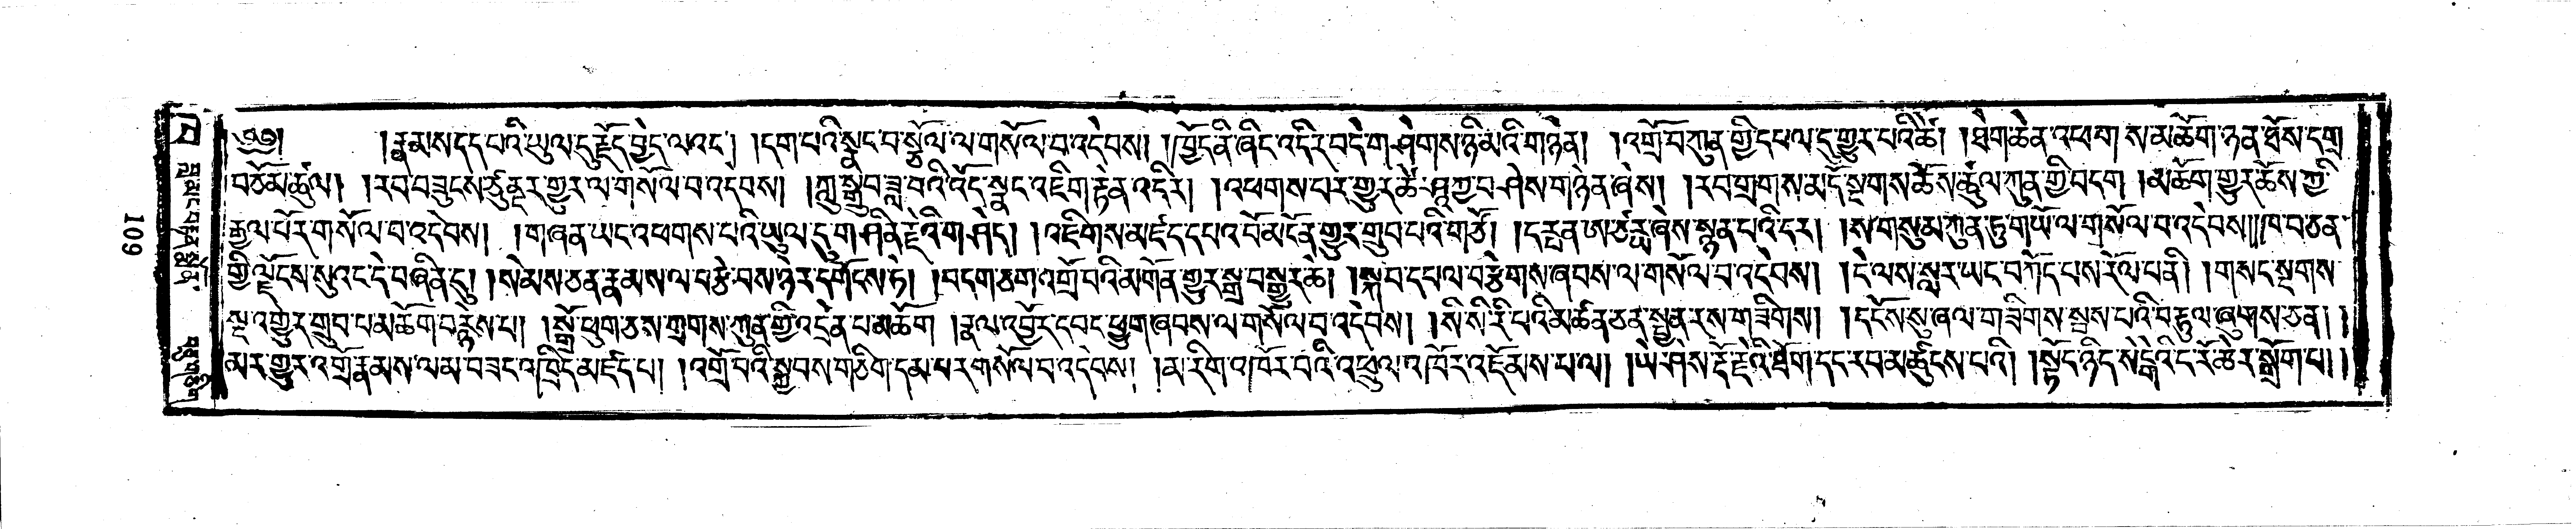༄༅། །རྣམས་དད་པའི་ཡུལ་དུ་རྗོད་བྱེད་ལའང་། །དག་པའི་སྣང་བ་སྩོལ་ལ་གསོལ་བ་འདེབས། །ཁྱོད་ནི་ཞིང་འདིར་བདེ་གཤེགས་ཉི་མའི་གཉེན། །འགྲོ་བ་ཀུན་གྱི་དཔལ་དུ་གྱུར་པའི་ཚེ། །ཐེག་ཆེན་འཕགས་མཆོག་ཉན་ཐོས་དགྲ་
བཅོམ་ཚུལ། །རབ་བཟུངས་ཙུནྡར་གྱུར་ལ་གསོལ་བ་འདེབས། །ཀླུ་སྒྲུབ་ཟླ་བའི་འོད་སྣང་འཇིག་རྟེན་འདིར། །འཕགས་པར་གྱུར་ཚེ་ཤཱཀྱ་བཤེས་གཉེན་ཞེས། །རབ་གྲགས་མདོ་སྔགས་ཆོས་ཚུལ་ཀུན་གྱི་བདག །མཆོག་གྱུར་ཆོས་ཀྱི་
རྒྱལ་པོར་གསོལ་བ་འདེབས། །གཞན་ཡང་འཕགས་པའི་ཡུལ་དུ་གཤིན་རྗེའི་གཤེད། །འཇིགས་མཛད་དཔའ་བོ་མངོན་གྱུར་གྲུབ་པའི་གཙོ། །དརྤན་ཨ་ཙརྱ་ཞེས་སྙན་པའི་དར། །ས་གསུམ་ཀུན་ཏུ་གཡོ་ལ་གསོལ་བ་འདེབས། །ཁ་བ་ཅན་
གྱི་ལྗོངས་སུའང་དེ་བཞིན་དུ། །སེམས་ཅན་རྣམས་ལ་བརྩེ་བས་ཉེར་དགོངས་ཏེ། །བདག་ཅག་འགྲོ་བའི་མགོན་གྱུར་སྒྲ་བསྒྱུར་ཆེ། །སྐབ་དཔལ་བརྩེགས་ཞབས་ལ་གསོལ་བ་འདེབས། །དེ་ལས་སླར་ཡང་བཀོད་པས་རོལ་པ་ནི། །གསང་སྔགས་
སྔ་འགྱུར་གྲུབ་པ་མཆོག་བརྙེས་པ། །སྒྲོ་ཕུག་ཅས་གྲགས་ཀུན་གྱི་འདྲེན་པ་མཆོག །རྣལ་འབྱོར་དབང་ཕྱུག་ཞབས་ལ་གསོལ་བ་འདེབས། །སི་སི་རི་པའི་མཚན་ཅན་སྤྱན་རས་གཟིགས། །དངོས་སུ་ཞལ་གཟིགས་སྦས་པའི་བརྟུལ་ཞུགས་ཅན། །
མར་གྱུར་འགྲོ་རྣམས་ལམ་བཟང་འཁྲིད་མཛད་པ། །འགྲོ་བའི་སྐྱབས་གཅིག་དམ་པར་གསོལ་བ་འདེབས། །མ་རིག་འཁོར་བའི་འཕྲུལ་འཁོར་འཇོམས་པ་ལ། །ཡེ་ཤེས་རྡོ་རྗེའི་ཐོག་དང་རབ་མཚུངས་པའི། །སྟོང་ཉིད་སེངྒེའི་ང་རོ་ཆེར་སྒྲོག་པ། །